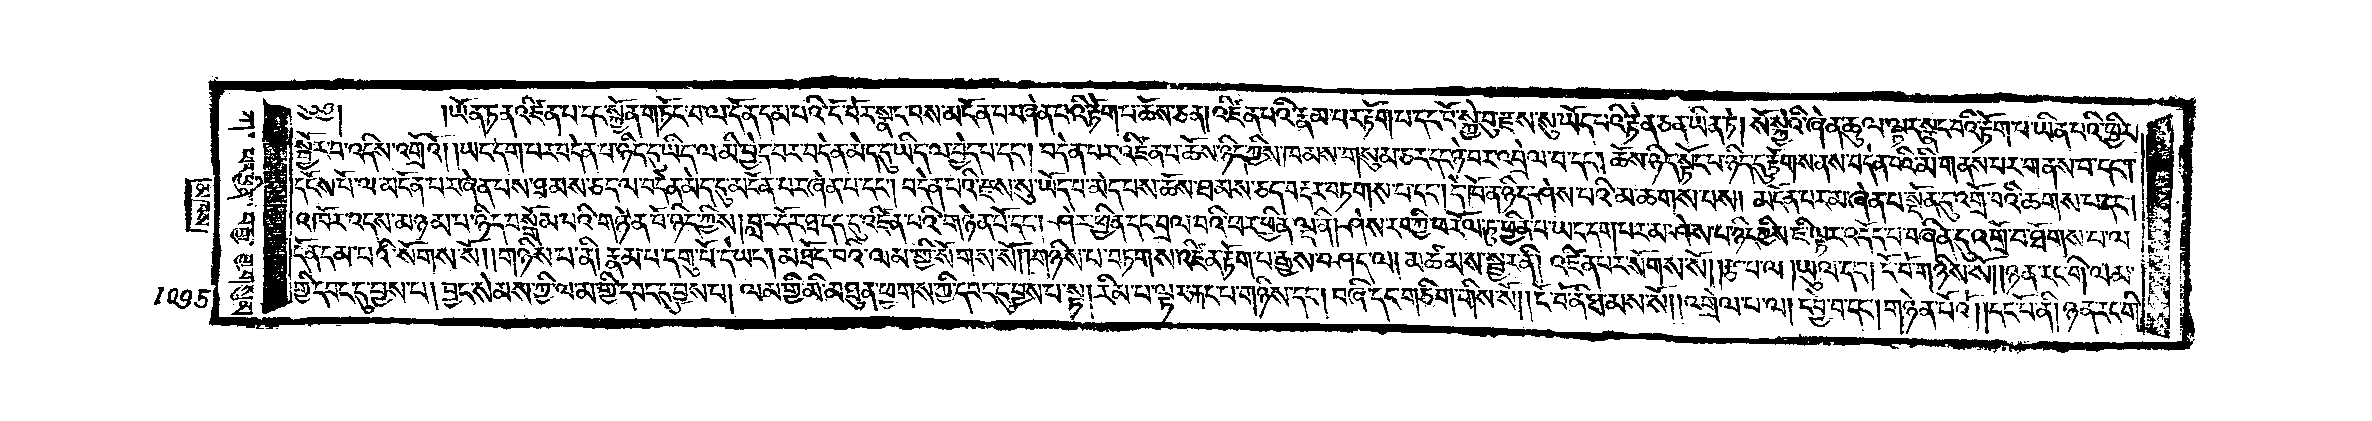༄༅། །ཡོན་ཏན་འཛིན་པ་དང་སྐྱོན་གཏོང་བ་ལ་དོན་དམ་པའི་ངོ་བོར་སྣང་བས་མངོན་པར་ཞེན་པའི་རྟོག་པ་ཆོས་ཅན། འཛིན་པའི་རྣམ་པར་རྟོག་པ་དང་པོ་སྐྱེ་བུ་རྫས་སུ་ཡོད་པའི་རྟེན་ཅན་ཡིན་ཏེ། སོ་སྐྱེའི་ཞེན་ཚུལ་ལྟར་སྣང་བའི་རྟོག་པ་ཡིན་པའི་ཕྱིར་
སྦྱོར་བ་འདིས་འགྲོའོ། །ཡང་དག་པར་བདེན་པ་ཉིད་དུ་ཡིད་ལ་མི་བྱེད་པར་བདེན་མེད་དུ་ཡིད་ལ་བྱེད་པ་དང་། བདེན་པར་འཛིན་པ་ཆོས་ཉིད་ཀྱིས་ཁམས་གསུམ་ཅར་དང་ཉེ་བར་འབྲེལ་བ་དང་། ཆོས་ཉིད་སྟོང་པ་ཉིད་དུ་རྟོགས་ནས་བདེན་པའི་མི་གནས་པར་གནས་པ་དང་།
དངོས་པོ་ལ་མངོན་པར་ཞེན་པས་ཐམས་ཅད་ལ་བདེན་མེད་དུ་མངོན་པར་ཞེན་པ་དང་། བདེན་པའི་རྫས་སུ་ཡོད་པ་མེད་པས་ཆོས་ཐམས་ཅད་བརྡར་བཏགས་པ་དང་། དེ་ཁོ་ན་ཉིད་ཤེས་པའི་མ་ཆགས་པས། མངོན་པར་མ་ཞེན་པ་སྔོན་དུ་འགྲོ་བའི་ཆགས་པ་དང་།
འཁོར་འདས་མཉམ་པ་ཉིད་བསྒོམ་པའི་གཉེན་པོ་ཉིད་ཀྱིས། བླང་དོར་ཐ་དད་དུ་འཛིན་པའི་གཉེན་པོ་དང་། ཤེར་ཕྱིན་དང་བྲལ་བའི་ཕར་ཕྱིན་ལྔ་ནི། ཤེས་རབ་ཀྱི་ཕ་རོལ་ཏུ་ཕྱིན་པ་ཡང་དག་པར་མ་ཤེས་པ་ཉིད་ཀྱིས་ཇི་ལྟར་འདོད་པ་བཞིན་དུ་འགྲོ་བ་ཐོགས་པ་ལ་
དོན་དམ་པའི་སོགས་སོ། །གཉིས་པ་ནི། རྣམ་པ་དགུ་པོ་དེ་ཡང་། མཐོང་བའི་ལམ་གྱི་སོགས་སོ། །གཉིས་པ་བཏགས་འཛིན་རྟོག་པ་རྒྱས་བཤད་ལ། མཚམས་སྦྱར་ནི། འཛིན་པར་སོགས་སོ། །རྩ་བ་ལ། ཡུལ་དང་། ངོ་བོ་གཉིས་སོ། །ཉན་རང་གི་ལམ་
གྱི་དབང་དུ་བྱས་པ། བྱང་སེམས་ཀྱི་ལམ་གྱི་དབང་དུ་བྱས་པ། ལམ་གྱི་མི་མཐུན་ཕྱོགས་ཀྱི་དབང་དུ་བྱས་པ་སྟེ། རིམ་པ་ལྟར་རྐང་པ་གཉིས་དང་། བཞི་དང་གཅིག་གིས་སོ། །ངོ་བོ་ནི་ཐ་མས་སོ། །འགྲེལ་པ་ལ། དབྱེ་བ་དང་། གཉེན་པོའོ། །དང་པོ་ནི། ཉན་རང་གི་